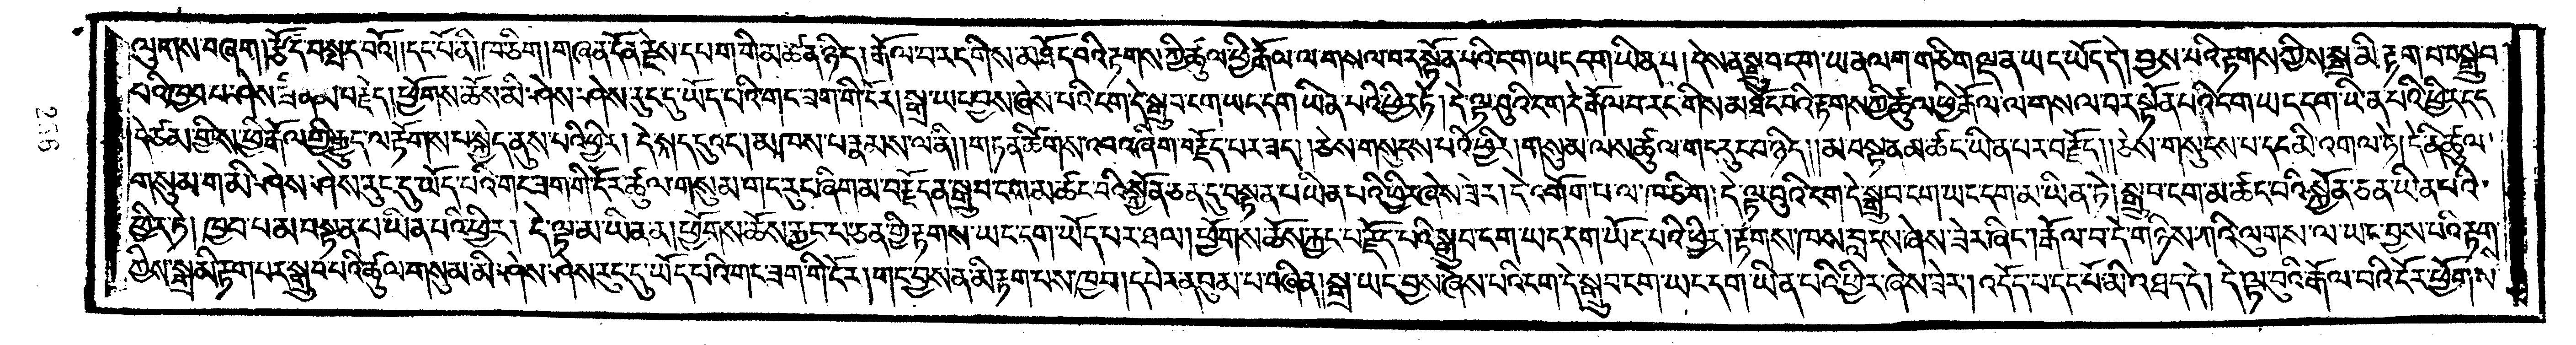ལུགས་བཞག །རྩོད་པ་སྤང་བའོ། །དང་པོ་ནི། ཁ་ཅིག །གཞན་དོན་རྗེས་དཔག་གི་མཚན་ཉིད། རྒོལ་བ་རང་གིས་མཐོང་བའི་རྟགས་ཀྱི་ཚུལ་ཕྱི་རྒོལ་ལ་གསལ་བར་སྟོན་པའི་ངག་ཡང་དག་ཡིན་པ། དེས་ན་སྒྲུབ་ངག་ཡན་ལག་གཅིག་ལྡན་ཡང་ཡོད་དེ། བྱས་པའི་རྟགས་ཀྱིས་སྒྲ་མི་རྟག་པར་སྒྲུབ་
པའི་ཁྱབ་པ་ཤས་ཟིན་མ་བརྗོད། ཕྱོགས་ཆོས་མི་ཤེས་ཤེས་རུང་དུ་ཡོད་པའི་གང་ཟག་གི་ངོར། སྒྲ་ཡང་བྱས་ཞེས་པའི་ངག་དེ་སྒྲུབ་ངག་ཡང་དག་ཡིན་པའི་ཕྱིར་ཏེ། དེ་ལྟ་བུའི་ངག་དེ་རྒོལ་བ་རང་གིས་མཐོང་བའི་རྟགས་ཀྱི་ཚུལ་ཕྱི་རྒོལ་ལ་གསལ་བར་སྟོན་པའི་ངག་ཡང་དག་ཡིན་པའི་ཕྱིར་དང་།
དེ་ཙམ་གྱིས་ཕྱི་རྒོལ་གྱི་རྒྱུད་ལ་རྟོགས་པ་སྐྱེད་ནུས་པའི་ཕྱིར། དེ་སྐད་དུའང་། མཁས་པ་རྣམས་ལ་ནི། །གཏན་ཚིགས་འབའ་ཞིག་བརྗོད་པར་ཟད། །ཅེས་གསུངས་པའི་ཕྱིར། གསུམ་ལས་ཚུལ་གང་རུང་བ་ཉིད། །མ་བསྟན་མ་ཚང་ཡིན་པར་བརྗོད། །ཅེས་གསུངས་པ་དང་མི་འགལ་ཏེ། དེ་ནི་ཚུལ་
གསུམ་ག་མི་ཤེས་ཤེས་རུང་དུ་ཡོད་པའི་གང་ཟག་གི་ངོར་ཚུལ་གསུམ་གང་རུང་ཞིག་མ་བརྗོད་ན་སྒྲུབ་ངག་མ་ཚང་བའི་སྐྱོན་ཅན་དུ་བསྟན་པ་ཡིན་པའི་ཕྱིར་ཞེས་ཟེར། དེ་འགོག་པ་ལ་ཁ་ཅིག །དེ་ལྟ་བུའི་ངག་དེ་སྒྲུབ་ངག་ཡང་དག་མ་ཡིན་ཏེ། སྒྲུབ་ངག་མ་ཚང་བའི་སྐྱོན་ཅན་ཡིན་པའི་
ཕྱིར་ཏེ། ཁྱབ་པ་མ་བསྟན་པ་ཡིན་པའི་ཕྱིར། དེ་ལྟ་མ་ཡིན་ན། ཕྱོགས་ཆོས་རྐྱང་པ་ཅན་གྱི་རྟགས་ཡང་དག་ཡོད་པར་ཐལ། ཕྱོགས་ཆོས་རྐྱང་བརྗོད་པའི་སྒྲུབ་ངག་ཡང་དག་ཡོད་པའི་ཕྱིར། རྟགས་ཁས་བླངས་ཞེས་ཟེར་ཞིང་། རྒོལ་བ་དེ་གཉིས་ཀའི་ལུགས་ལ་ཡང་བྱས་པའི་རྟགས་
ཀྱིས་སྒྲ་མི་རྟག་པར་སྒྲུབ་པའི་ཚུལ་གསུམ་མི་ཤེས་ཤེས་རུང་དུ་ཡོད་པའི་གང་ཟག་གི་ངོར། གང་བྱས་ན་མི་རྟག་པས་ཁྱབ། དཔེར་ན་བུམ་པ་བཞིན། སྒྲ་ཡང་བྱས་ཞེས་པའི་ངག་དེ་སྒྲུབ་ངག་ཡང་དག་ཡིན་པའི་ཕྱིར་ཞེས་ཟེར། འདོད་པ་དང་པོ་མི་འཐད་དེ། དེ་ལྟ་བུའི་རྒོལ་བའི་ངོར་ཕྱོགས་